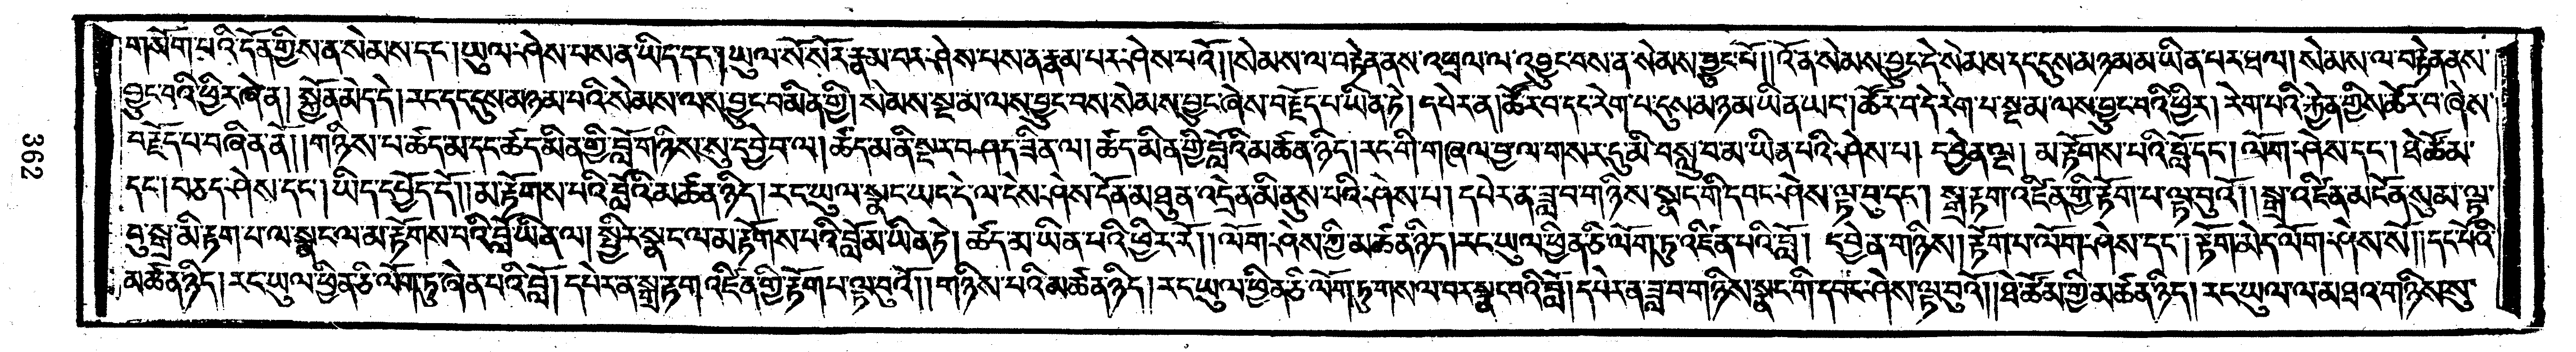གསོག་པའི་དོན་གྱིས་ན་སེམས་དང་། ཡུལ་ཤེས་པས་ན་ཡིད་དང་། ཡུལ་སོ་སོར་རྣམ་པར་ཤེས་པས་ན་རྣམ་པར་ཤེས་པའོ། །སེམས་ལ་བརྟེན་ནས་འཕྲལ་ལ་འབྱུང་བས་ན་སེམས་བྱུང་ངོ། །འོ་ན་སེམས་བྱུང་དེ་སེམས་དང་དུས་མཉམ་མ་ཡིན་པར་ཐལ། སེམས་ལ་བརྟེན་ནས་
བྱུང་བའི་ཕྱིར་ཞེ་ན། སྐྱོན་མེད་དེ། རང་དང་དུས་མཉམ་པའི་སེམས་ལས་བྱུང་བ་མིན་གྱི། སེམས་སྔ་མ་ལས་བྱུང་བས་སེམས་བྱུང་ཞེས་བརྗོད་པ་ཡིན་ཏེ། དཔེར་ན། ཚོར་བ་དང་རེག་པ་དུས་མཉམ་ཡིན་ཡང་། ཚོར་བ་དེ་རེག་པ་སྔ་མ་ལས་བྱུང་བའི་ཕྱིར། རེག་པའི་རྐྱེན་གྱིས་ཚོར་བ་ཞེས་
བརྗོད་པ་བཞིན་ནོ། །གཉིས་པ་ཚད་མ་དང་ཚད་མིན་གྱི་བློ་གཉིས་སུ་དབྱེ་བ་ལ། ཚད་མ་ནི་སྔར་བཤད་ཟིན་ལ། ཚད་མིན་གྱི་བློའི་མཚན་ཉིད། རང་གི་གཞལ་བྱ་ལ་གསར་དུ་མི་བསླུ་བ་མ་ཡིན་པའི་ཤེས་པ། དབྱེ་ན་ལྔ། མ་རྟོགས་པའི་བློ་དང་། ལོག་ཤེས་དང་། ཐེ་ཚོམ་
དང་། བཅད་ཤེས་དང་། ཡིད་དཔྱོད་དོ། །མ་རྟོགས་པའི་བློའི་མཚན་ཉིད། རང་ཡུལ་སྣང་ཡང་དེ་ལ་ངེས་ཤེས་དོན་མཐུན་འདྲེན་མི་ནུས་པའི་ཤེས་པ། དཔེར་ན་ཟླ་བ་གཉིས་སྣང་གི་དབང་ཤེས་ལྟ་བུ་དང་། སྒྲ་རྟག་འཛིན་གྱི་རྟོག་པ་ལྟ་བུའོ། །སྒྲ་འཛིན་མངོན་སུམ་ལྟ་
བུ་སྒྲ་མི་རྟག་པ་ལ་སྣང་ལ་མ་རྟོགས་པའི་བློ་ཡིན་ལ། སྤྱིར་སྣང་ལ་མ་རྟོགས་པའི་བློ་མ་ཡིན་ཏེ། ཚད་མ་ཡིན་པའི་ཕྱིར་རོ། །ལོག་ཤེས་ཀྱི་མཚན་ཉིད། རང་ཡུལ་ཕྱིན་ཅི་ལོག་ཏུ་འཛིན་པའི་བློ། དབྱེ་ན་གཉིས། རྟོག་པ་ལོག་ཤེས་དང་། རྟོག་མེད་ལོག་ཤེས་སོ། །དང་པོའི་
མཚན་ཉིད། རང་ཡུལ་ཕྱིན་ཅི་ལོག་ཏུ་ཞེན་པའི་བློ། དཔེར་ན་སྒྲ་རྟག་འཛིན་གྱི་རྟོག་པ་ལྟ་བུའོ། །གཉིས་པའི་མཚན་ཉིད། རང་ཡུལ་ཕྱིན་ཅི་ལོག་ཏུ་གསལ་བར་སྣང་བའི་བློ། དཔེར་ན་ཟླ་བ་གཉིས་སྣང་གི་དབང་ཤེས་ལྟ་བུའོ། །ཐེ་ཚོམ་གྱི་མཚན་ཉིད། རང་ཡུལ་ལ་མཐའ་གཉིས་སུ་